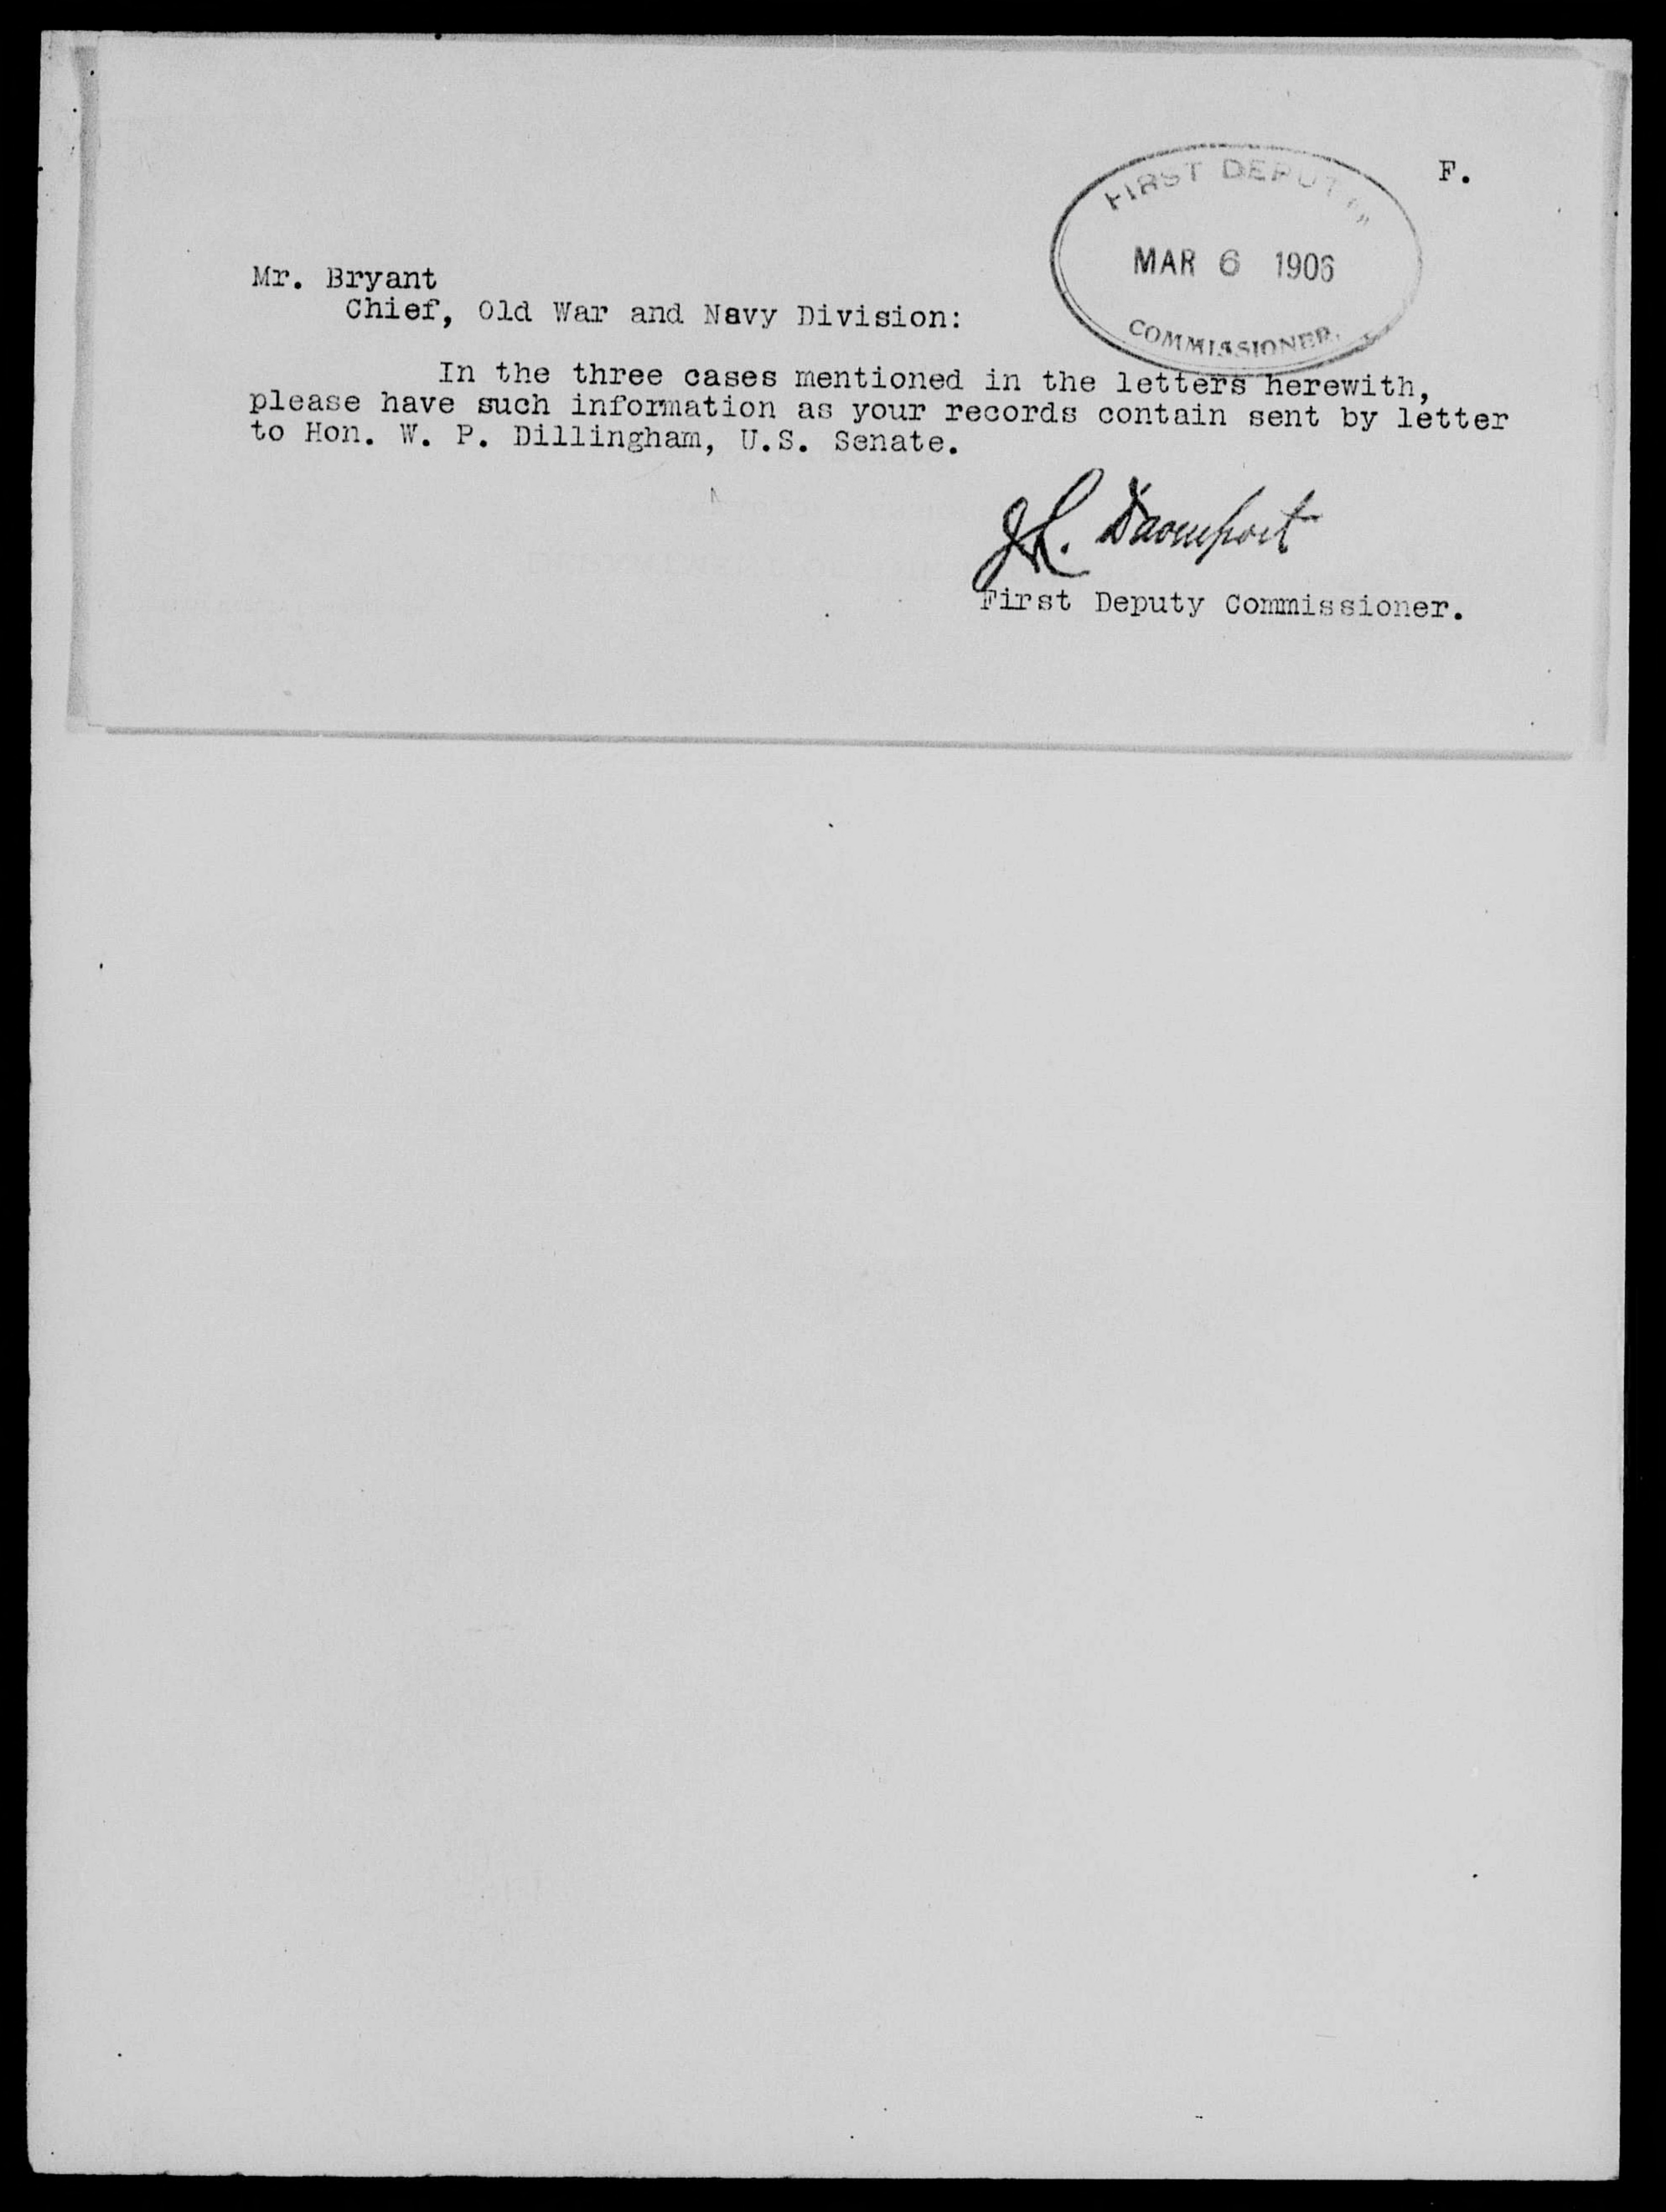Mr. Bryant
Chief, Old War and Navy Division: 
MAR 6 1905 FIRST DEPUTY COMMISSIONER

In the three cases mentioned in the letters herewith please have such information as your records contain sent by letter to Hon. W. P. Dillingham, U. S. Senate,

J. L.Davenport
First Deputy Commissioner.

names: W P Dillingham, Bryant, J L Davenport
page: 18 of 22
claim: survivor's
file: S. 38821, Jonathan Heath, Continental N.H.